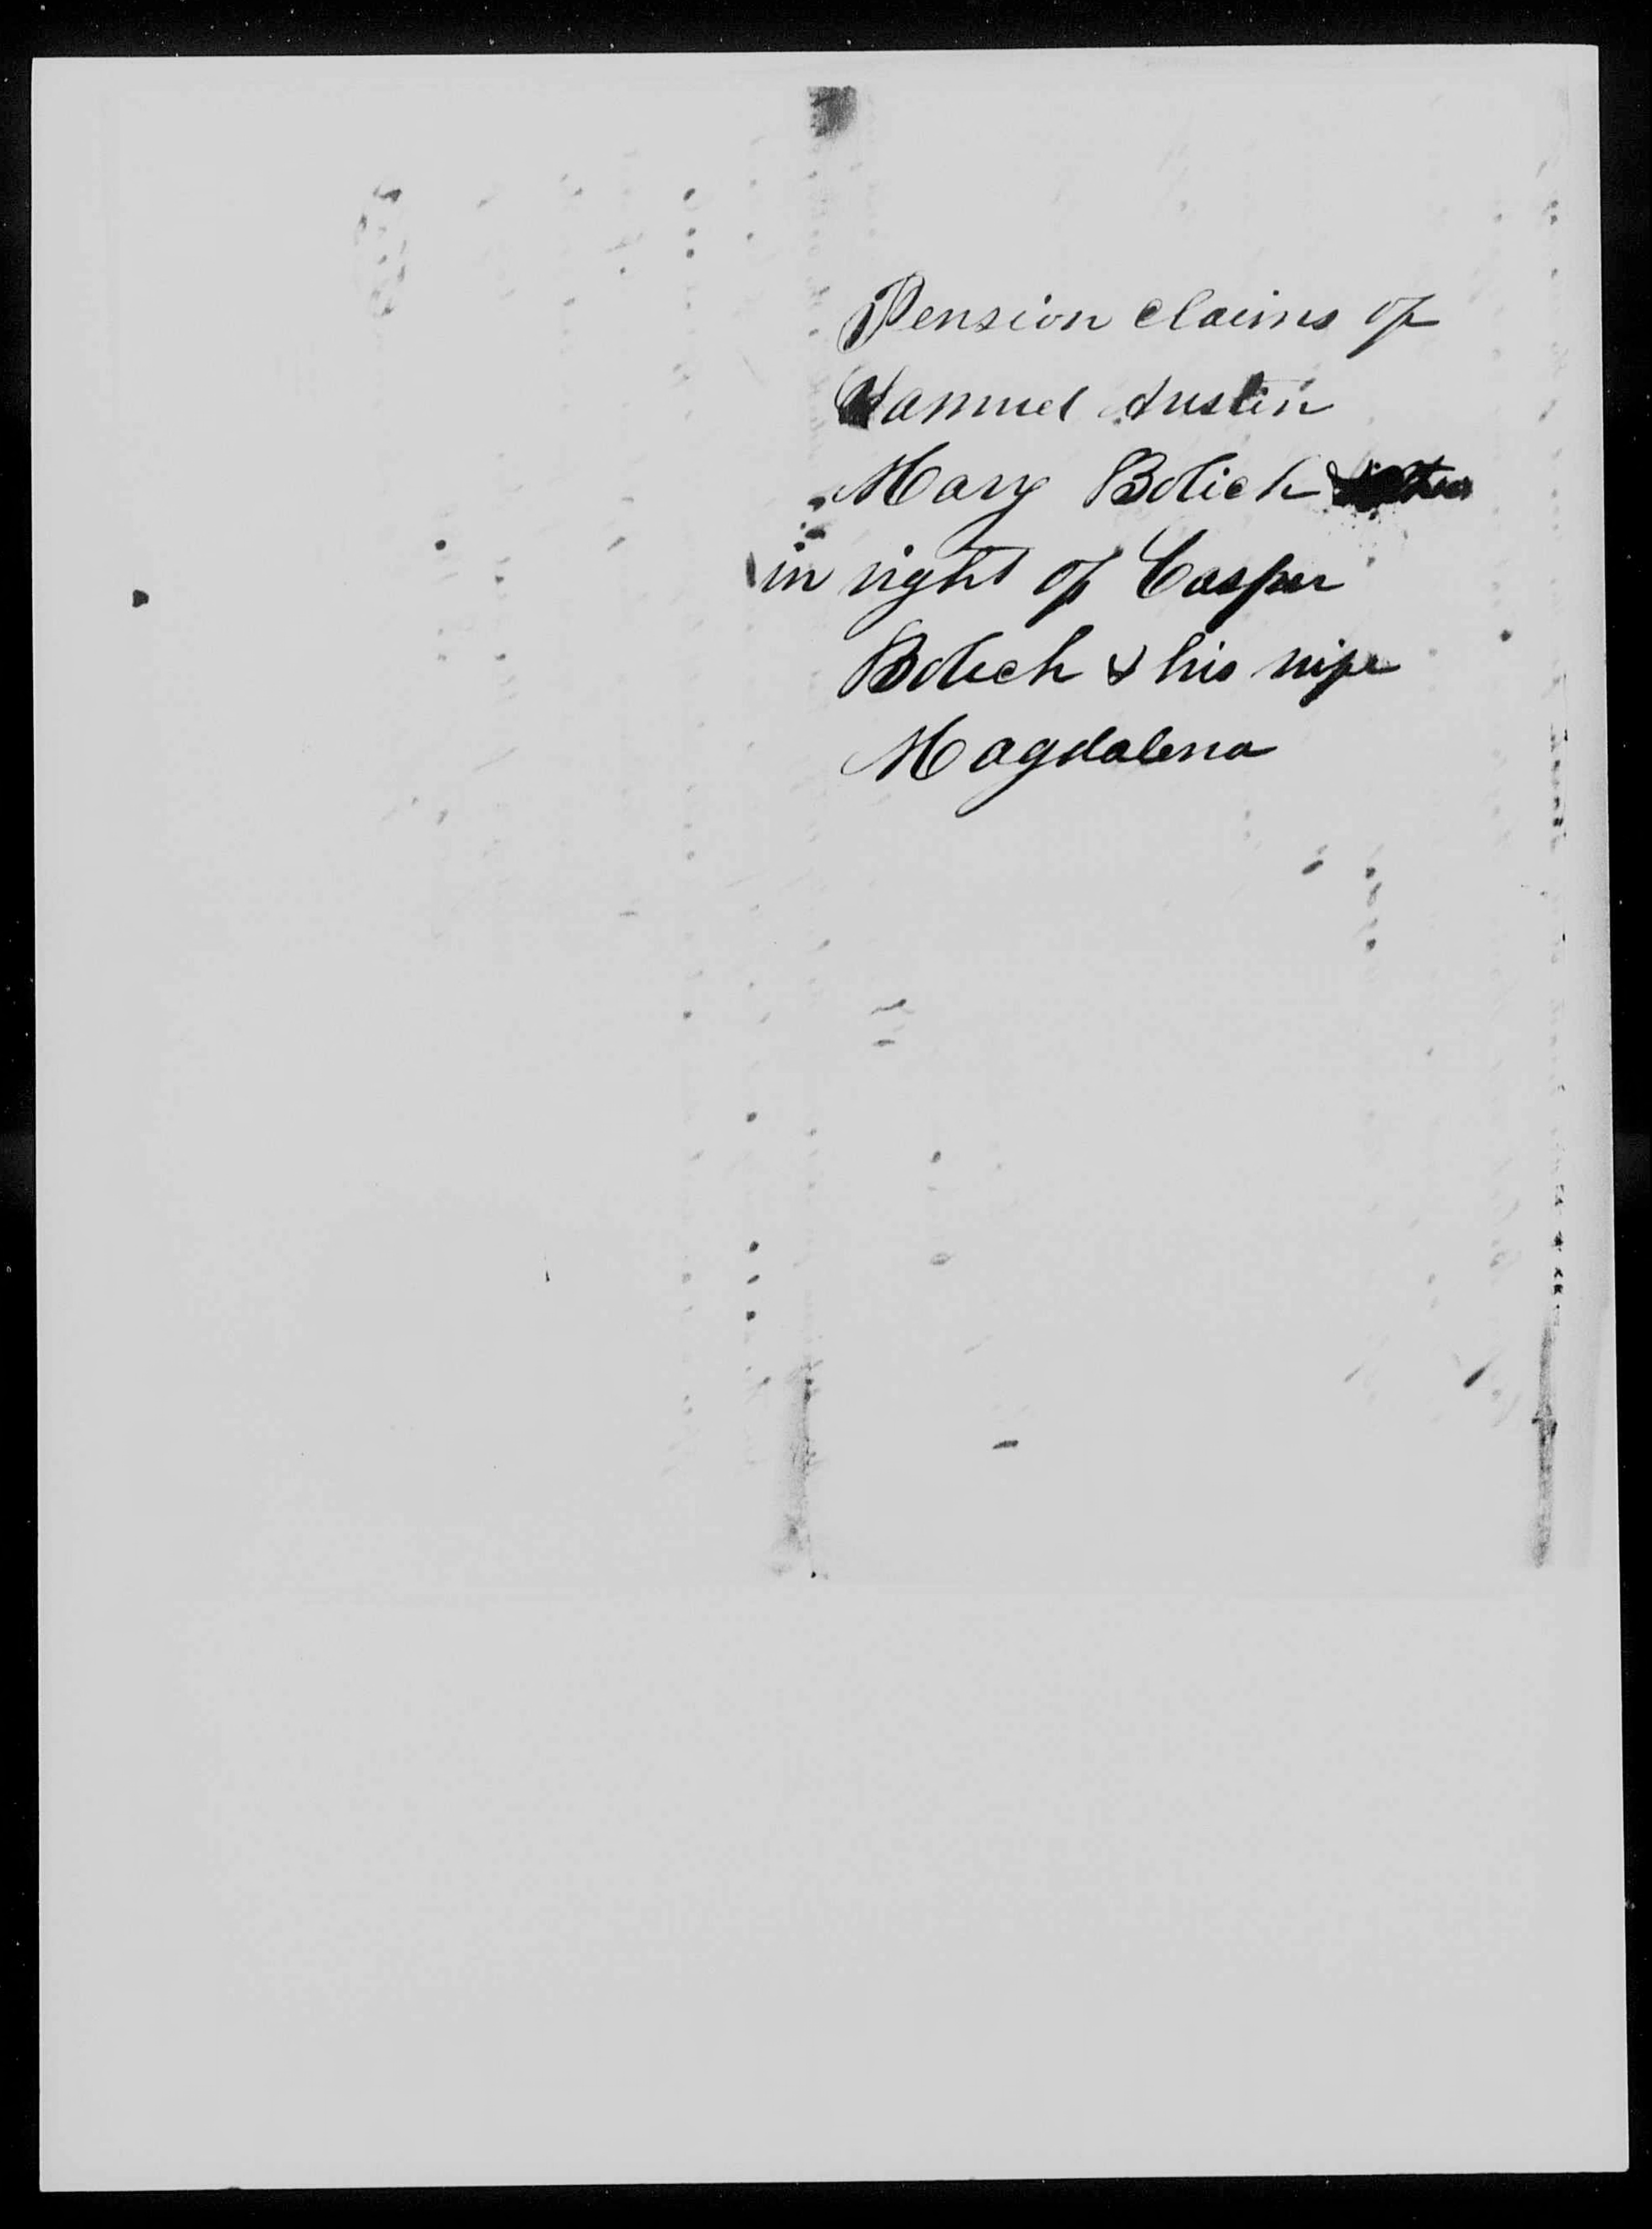Pension Claims of Samuel Austin, Mary Bolick in right of Casper Bolick & his wife Magdalena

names: Mary Bolich, Samuel Austin, Casper Bolich, Magdalena Bolech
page: 28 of 43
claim: widow's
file: W. 18,566, Casper Bolick, N.C.